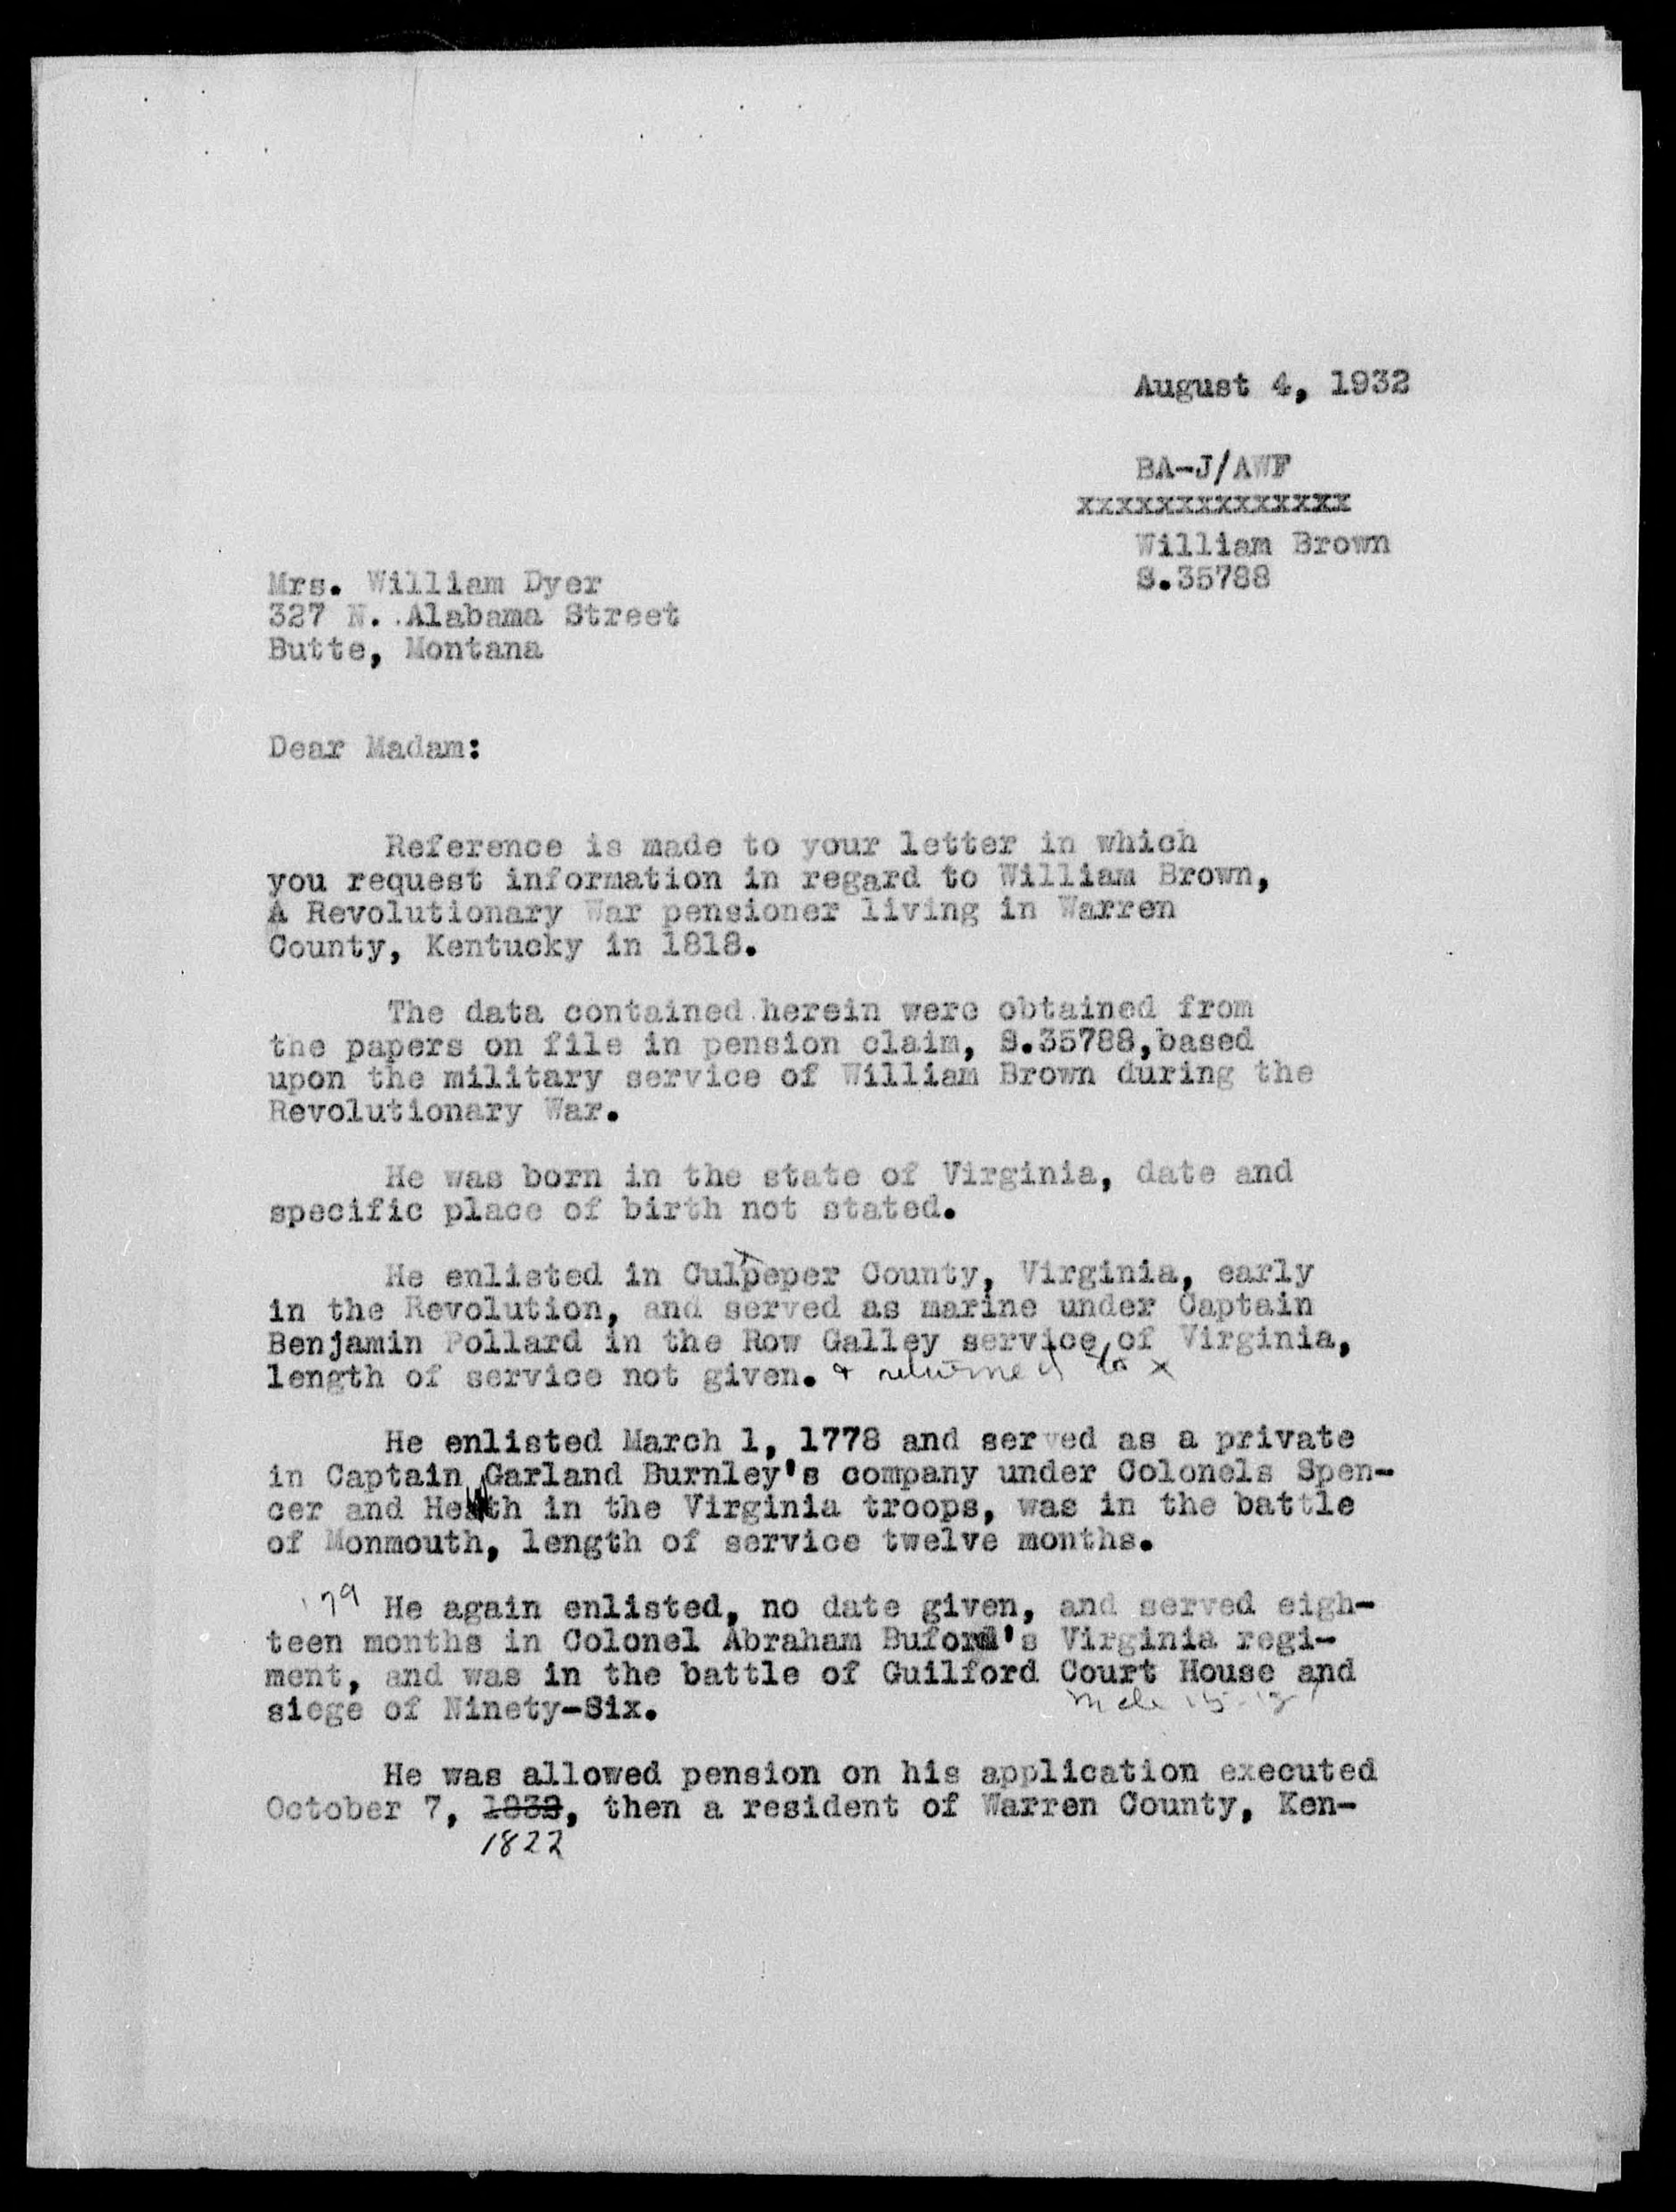August 4, 1932

BA-J / AWF
XXXXXXXXXXXXXXXXXXXX
William Brown
S. 35788

Mrs. William Dyer
327 N. Alabama Street
Butte, Montana

Dear Madam:

Reference is made to your letter in which
you request information in regard to William Brown,
A Revolutionary War pensioner living in Warren
County, Kentucky in 1818.

The data contained herein were obtained from 
the paper on file in pension claim, S. 35788, based
upon the military service of William Brown during the
Revolutionary War.

He was born in the state of Virginia, date and
specific place of birth not stated.

He enlisted in Culpeper County, Virginia, early
in the Revolution, and served as marine under Captain
Benjamin Pollard in the Row Gallery service of Virginia,
length of service not given. + returned to x

He enlisted March 1, 1778 and served as a private
in Captain Garland Burnley's company under Colonels Spencer and Heath in the Virginia troops, was in the battle
of Monmouth, length of service twelve months.

'79 He again enlisted, no date given, and served eighteen
months in Colonel Abraham Buford's Virginia regiment, and was in the battle of Guilford Court House and
siege of Ninety-Six. 

He was allowed pension on his application executed
October 7, 1822, then a resident of Warren County, Ken-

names: William Brown, William Brown, William Dyer, William Brown, Benjamin Pollard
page: 11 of 21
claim: survivor's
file: S. 35,788, William Brown, Va.